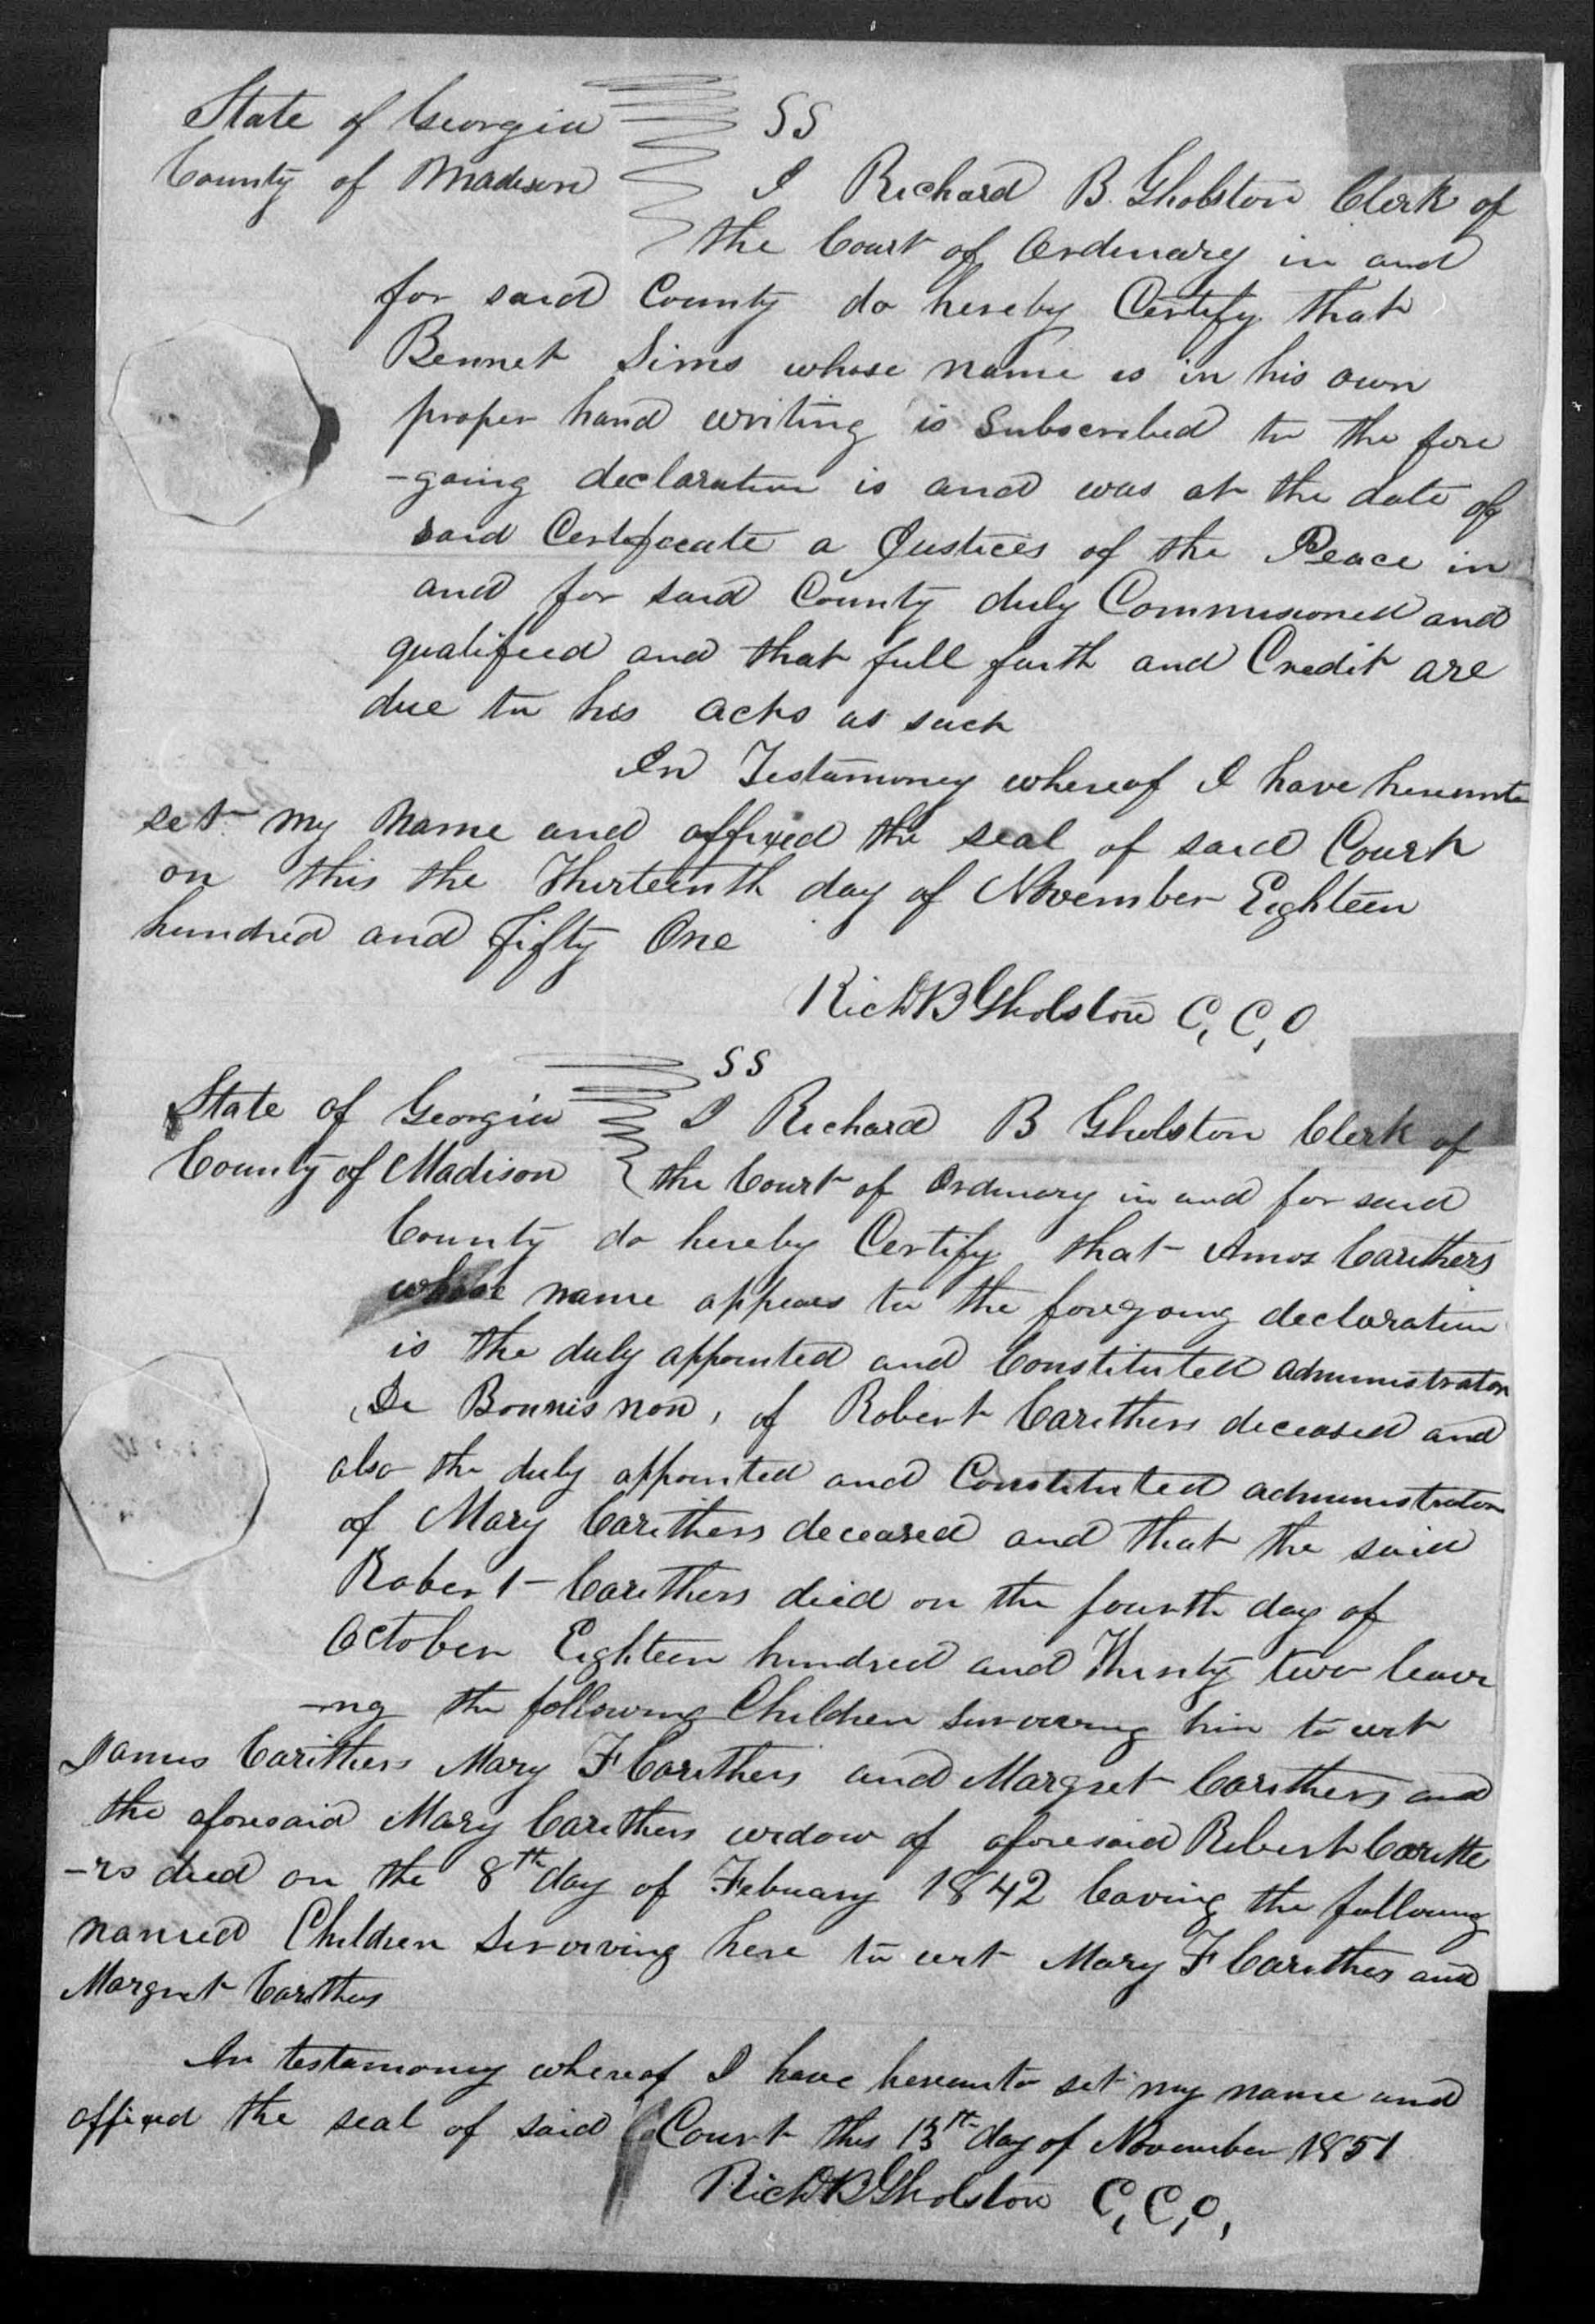State of Georgia      } SS
County of Madison } I Richard B. Shelton Clerk of the Court of Ordinary in and for said County do hereby certify that Bennet Sims whose name is in his own proper hand writing is subscribed to the for going declaration is and was at the date said Certificate a Justice of the Peace in and for said County duly Commissioned and qualified and that full faith and credit are due to his acts as such 
In Testimony whereof I have herein set my name and affixed the seal of said Court on this the Thirteenth day of November Eighteen hundred and fifty one 
Rich B Gholston C. C. O.
State of Georgia      } SS
County of Madison }
I Richard B Gholston Clerk of the Court of Ordinary in and for said County do hereby Certify that Amos Carithers whose name appears to the foregoing declaration is the duly appointed and constituted administrator of Mary Carithers deceased and that the said Robert Carithers died on the fourth day of October Eighteen hundred and Thirty two leaving the following children surviving him to wit James Carithers Mary F Carithers  and Margret Carithers and aforesaid Mary Carithers Widow of aforesaid Robert Carithers died on the 8th day of February 1842 leaving the following married children surviving here to wit Mary F Carithers and Margret Carithers 
In testimony whereof I have hereunto set my name and affixed the seal of said Court this 13th day of November 1851 Rich B Gholston C. C. O.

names: Bennet Sims, Mary F Carithers, Margret Carithers, Amos Carithers, Mary F Carithers, Richard B Gholston, Robert Carithers, Richd B Gholston, James Carithers, Margret Carithers, Robert Carithers, Richard B Gholston, Mary Carithers, Richd B Gholston, Mary Carithers, Robert Carithers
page: 11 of 33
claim: widow's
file: W. 23779, Robert Carithers, S.C.